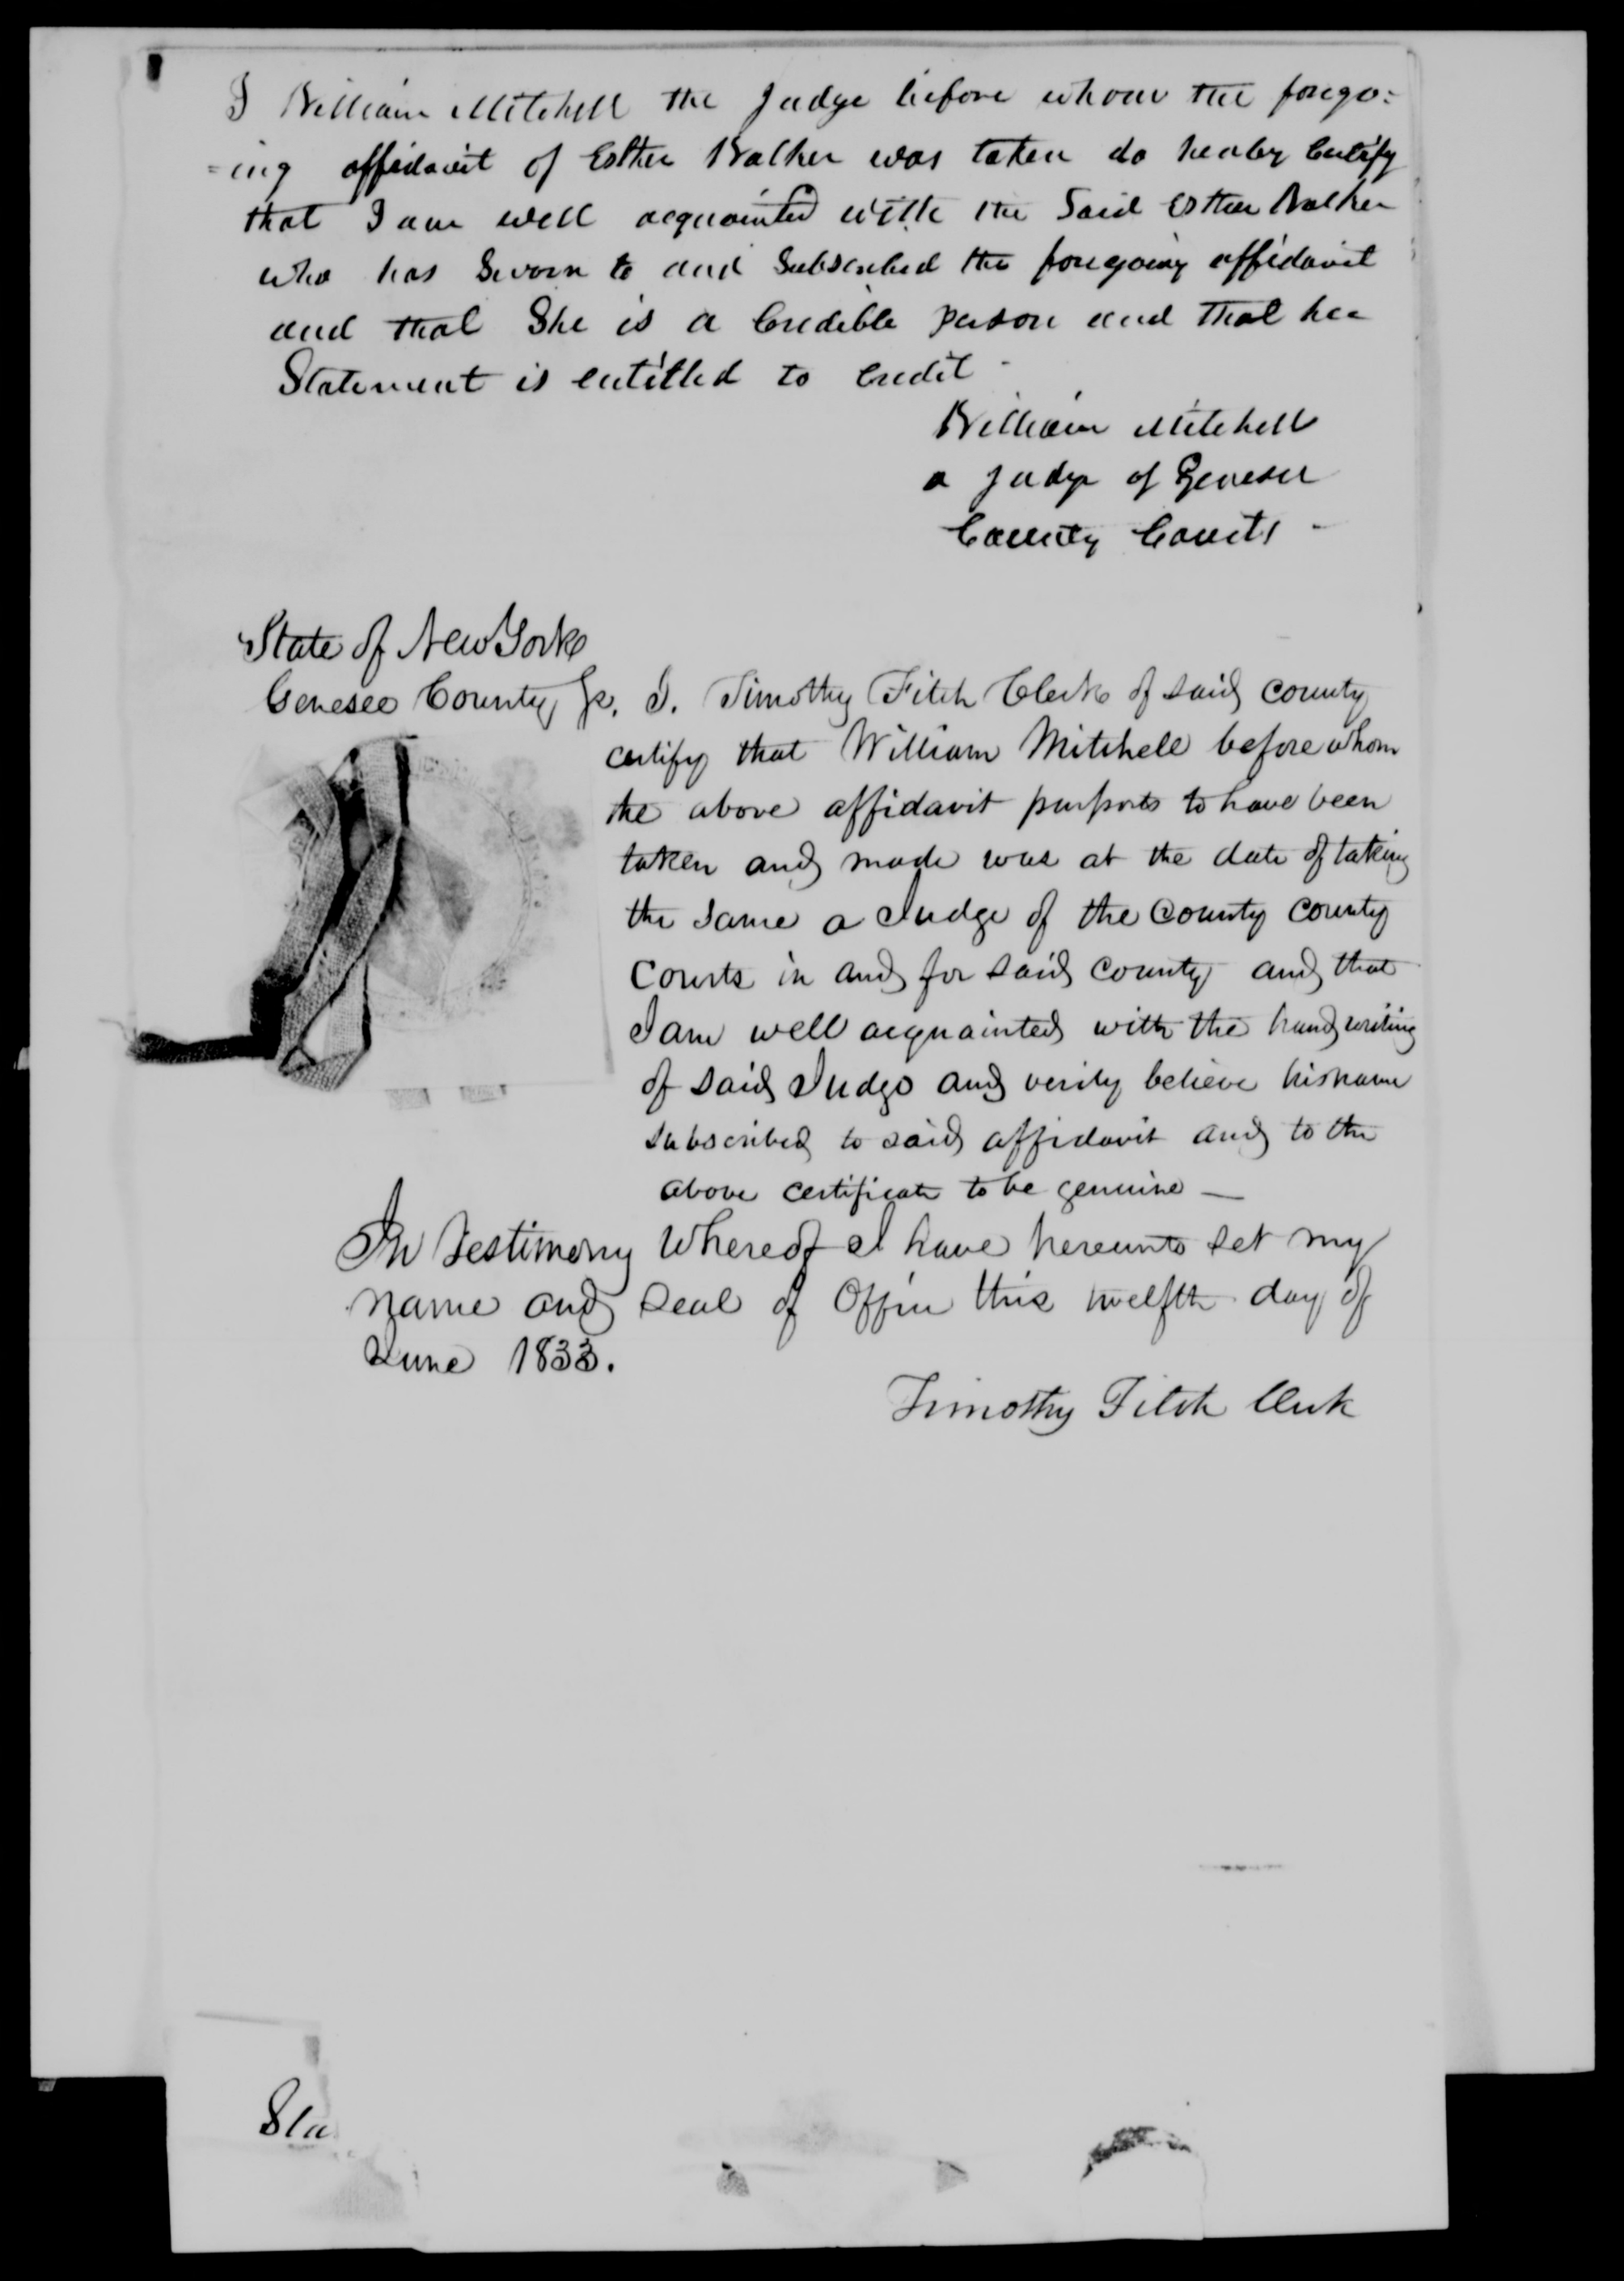I William Mitchell the Judge before whom the foregoing affidavit of Esther Walker was taken do hereby certify
that I am well acquainted with the said Esther Walker
who has sworn to and subscribed the foregoing affidavit
and that she is a credible person and that her
Statement is entitled to credit
William Mitchell
a Judge of Genesee
County Courts

State of New York
Genesee County Js.
In Testimony
name and
June 1833.
I Timothy Fitch Clerk of said County
certify that William Mitchell before whom
the above affidavit purports to have been
taken and made was at the date of taking
the same a Judge of the County County
Courts in and for said County and that
I am well acquainted with the hand writing
of said Judge and verily believe his name
subscribed to said affidavit and to the
above certificate to be genuine whereof
I have hereunto set my
Seal of Office this twelfth day of
Timothy Fitch Clerk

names: Esther Walker, William Mitchell, Timothy Fitch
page: 12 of 18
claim: survivor's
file: S. 11848, John Willard, N. H.